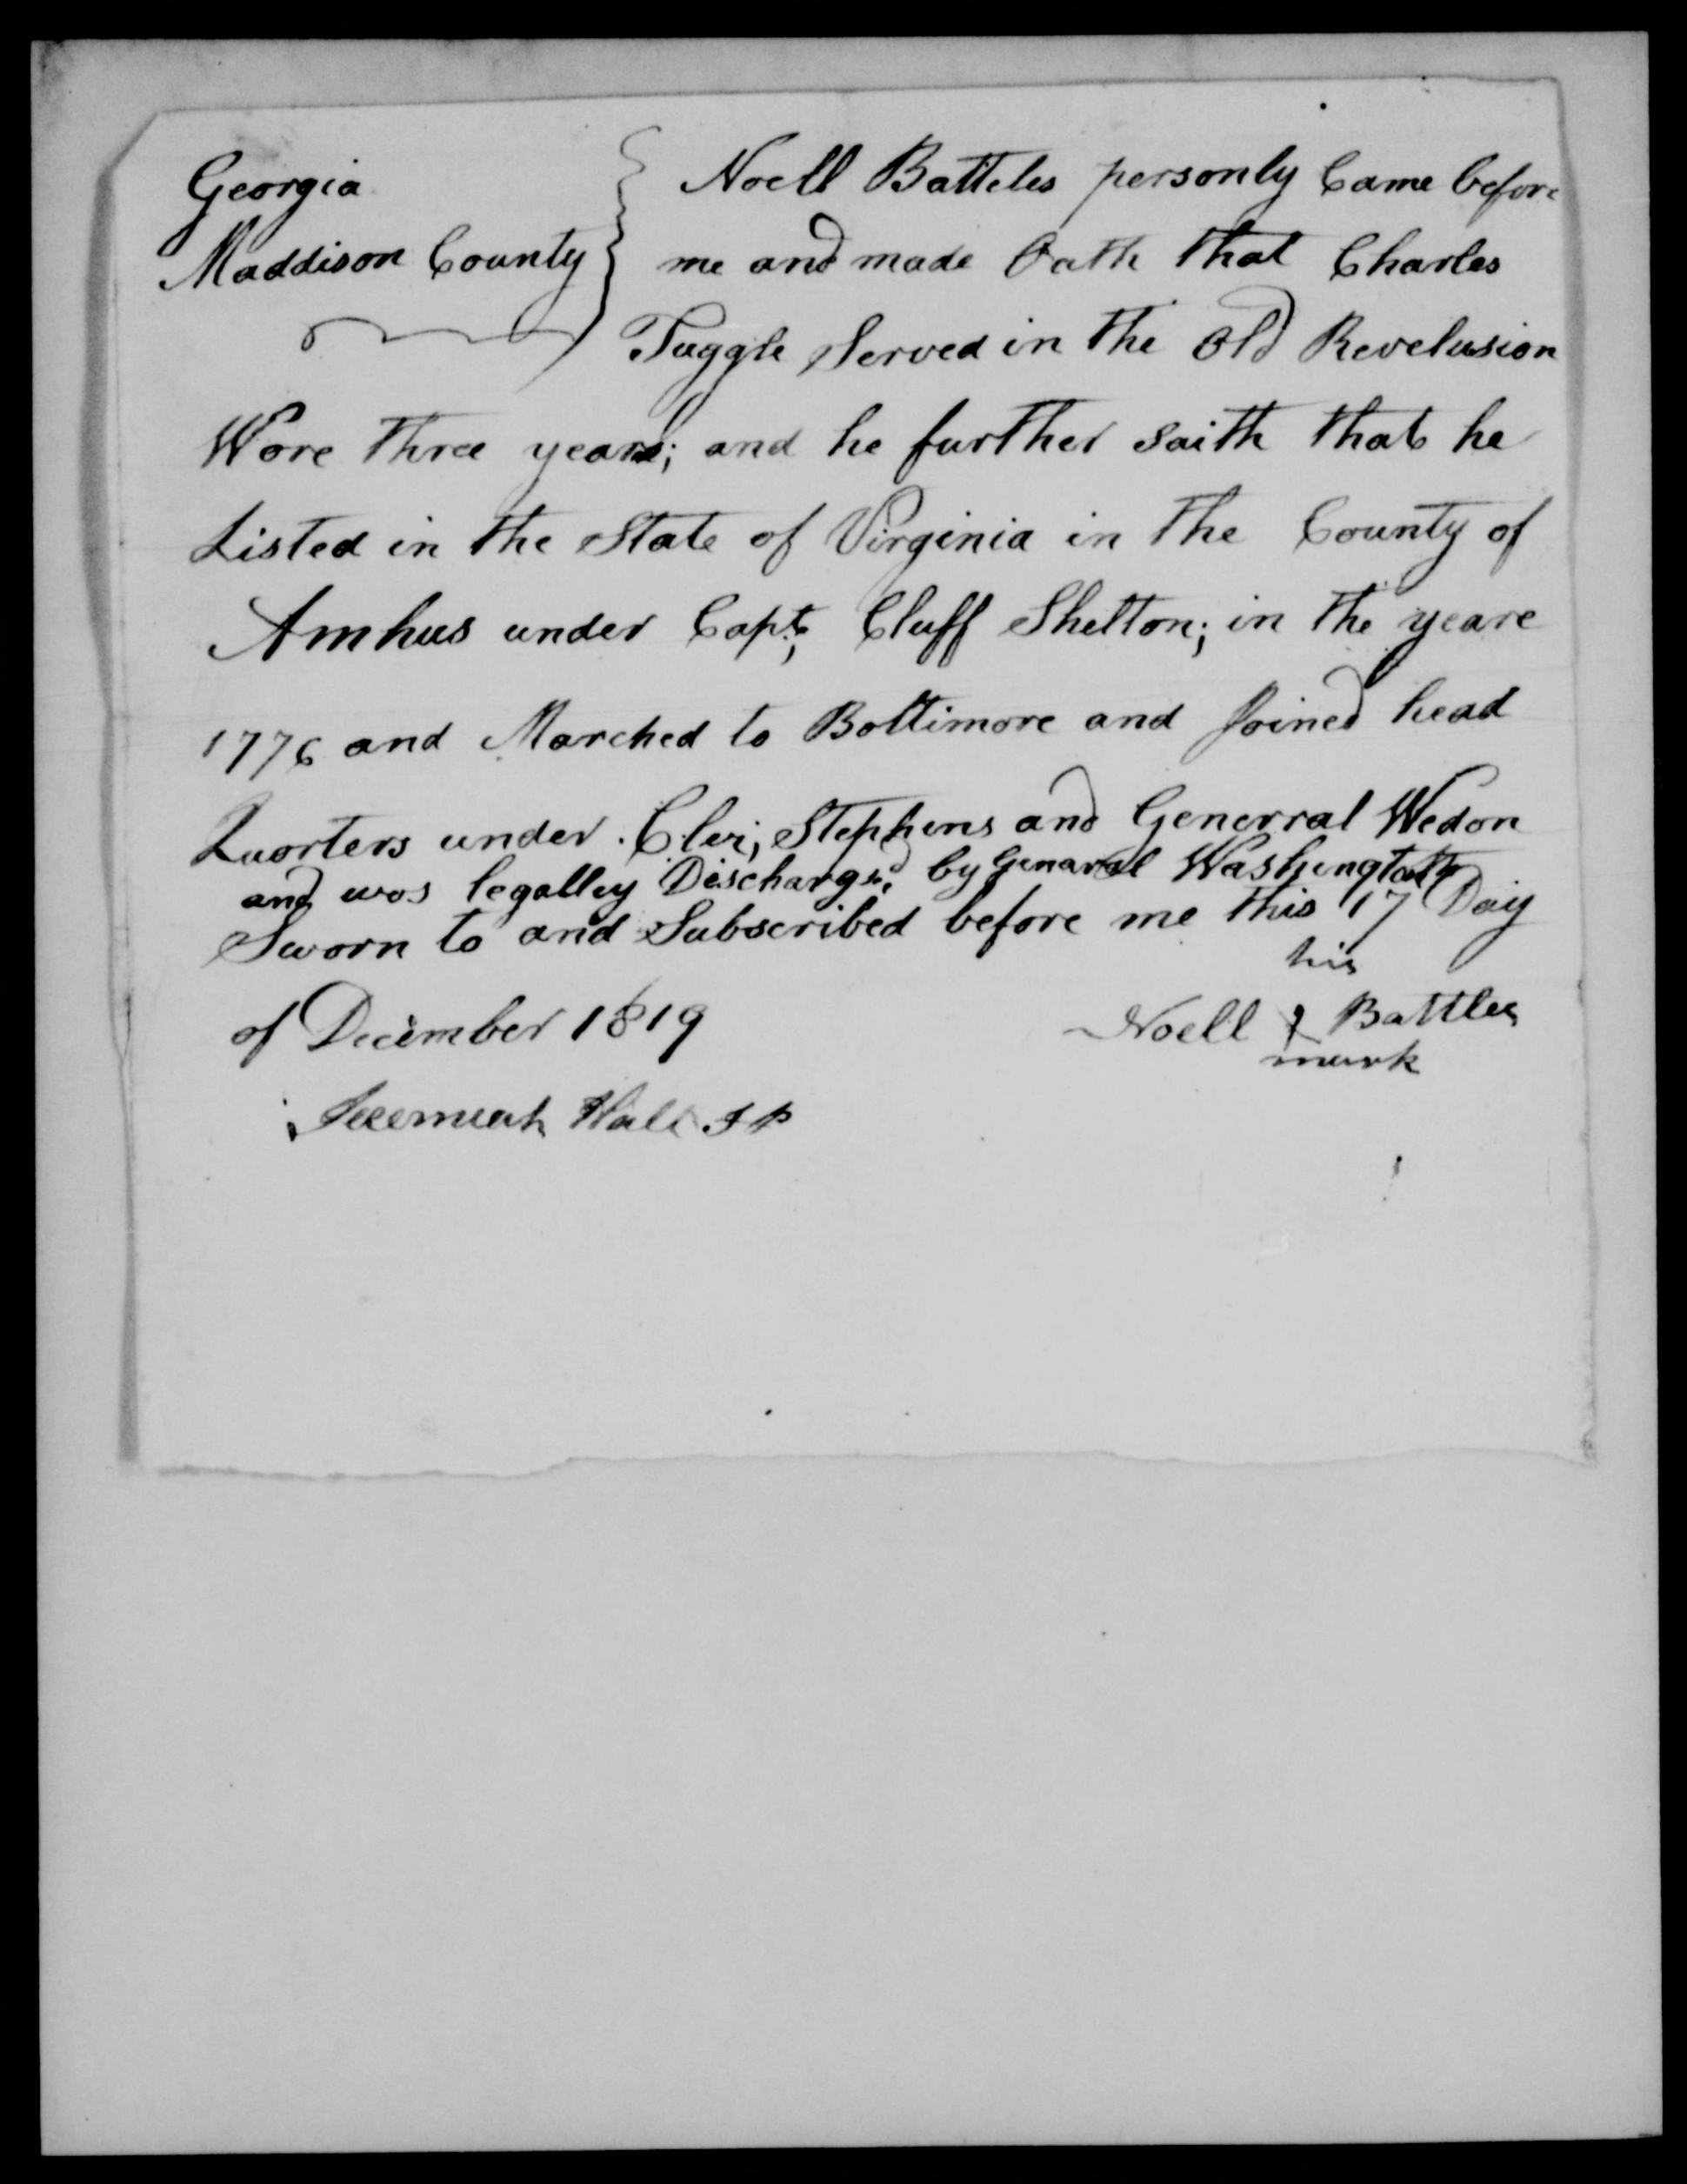Georgia
Maddison [Madison] County
Noell Batteles personly [personally] came before
me and made Oath that Charles
Tuggle Served in the old Revelusion [Revolutionary]
Wore [War] three years; and he further saith that he
listed in the State of Virginia in the County of
Amhus [Amherst] under Capt Cluff Shelton, in the yeare [year]
1776 and Marched to Baltimore and Joined 
headquarters under Cler Stephens and General Wedon
and was legally discharged by General Washington.
Sworn to and Subscribed before me this 17th Day
of December 1819
Noell Battles
X his mark
Jeremiah Hall FP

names: Stephens, Wedon, Jeremiah Hall, Washington, Noell Battles, Noell Batteles, Charles Tuggle, Cluff Shelton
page: 22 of 23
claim: survivor's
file: S. 32559, Charles Tuggle, Va.